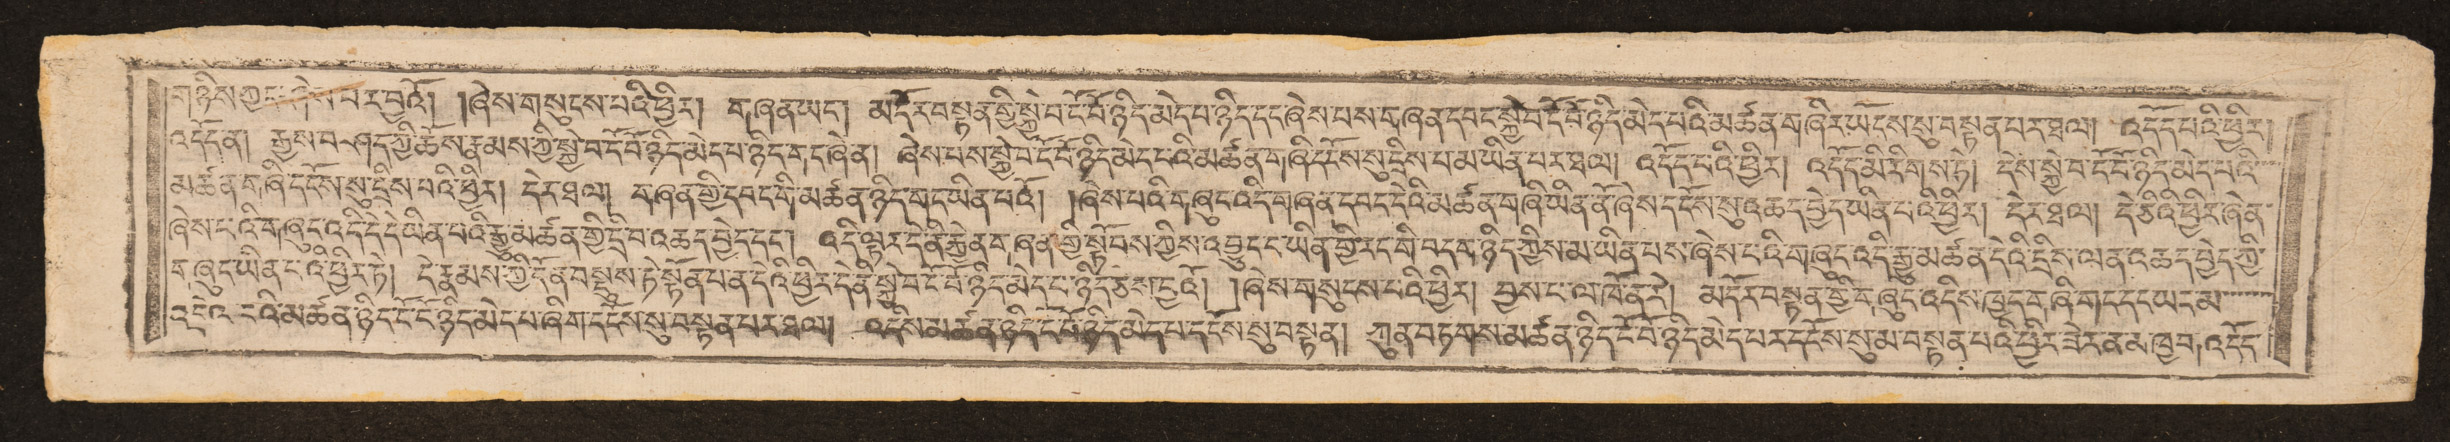གཉིས་ཀྱང་ཤེས་པར་བྱའོ། །ཞེས་གསུངས་པའི་ཕྱིར། གཞན་ཡང་། མདོར་བསྟན་གྱི་སྐྱེ་བ་ངོ་བོ་ཉིད་མེད་པ་ཉིད་དང་ཞེས་པས་གཞན་དབང་སྐྱེ་བ་ངོ་བོ་ཉིད་མེད་པའི་མཚན་གཞིར་ཡོངས་སུ་བསྟན་པར་ཐལ། འདོད་པའི་ཕྱིར།
འདོད་ན། རྒྱས་བཤད་ཀྱི་ཆོས་རྣམས་ཀྱི་སྐྱེ་བ་ངོ་བོ་ཉིད་མེད་པ་ཉིད་གང་ཞེ་ན། ཞེས་པས་སྐྱེ་བ་ངོ་བོ་ཉིད་མེད་པའི་མཚན་གཞི་དངོས་སུ་དྲིས་པ་མ་ཡིན་པར་ཐལ། འདོད་པའི་ཕྱིར། འདོད་མི་རིགས་ཏེ། དེས་སྐྱེ་བ་ངོ་བོ་ཉིད་མེད་པའི་
མཚན་གཞི་དངོས་སུ་དྲིས་པའི་ཕྱིར། དེར་ཐལ། གཞན་གྱི་དབང་གི་མཚན་ཉིད་གང་ཡིན་པའོ། །ཞེས་པའི་གཞུང་འདི་གཞན་དབང་དེའི་མཚན་གཞི་ཡིན་ནོ་ཞེས་དངོས་སུ་འཆད་བྱེད་ཡིན་པའི་ཕྱིར། དེར་ཐལ། དེ་ཅིའི་ཕྱིར་ཞེན་
ཞེས་པའི་གཞུང་འདི་དེ་དེ་ཡིན་པའི་རྒྱུ་མཚན་གྱི་དྲི་བ་འཆད་བྱེད་དང་། འདི་ལྟར་དེ་ནི་རྐྱེན་གཞན་གྱི་སྟོབས་ཀྱིས་འབྱུང་བ་ཡིན་གྱི་རང་གི་བདག་ཉིད་ཀྱིས་མ་ཡིན་པས་ཞེས་པའི་གཞུང་འདི་རྒྱུ་མཚན་དེའི་དྲིས་ལན་འཆད་བྱེད་ཀྱི་
གཞུང་ཡིན་པའི་ཕྱིར་ཏེ། དེ་རྣམས་ཀྱི་དོན་བསྡུས་ཏེ་སྟོན་པ་ན་དེའི་ཕྱིར་དེ་ནི་སྐྱེ་བ་ངོ་བོ་ཉིད་མེད་པ་ཉིད་ཅེས་བྱའོ། །ཞེས་གསུངས་པའི་ཕྱིར། བྱས་པ་ལ་ཁོ་ན་རེ། མདོར་བསྟན་གྱི་གཞུང་འདིས་ཁྱད་གཞི་གང་དང་ཡང་མ་
འབྲེལ་བའི་མཚན་ཉིད་ངོ་བོ་ཉིད་མེད་པ་ཞིག་དངོས་སུ་བསྟན་པར་ཐལ། འདིས་མཚན་ཉིད་ངོ་བོ་ཉིད་མེད་པ་དངོས་སུ་བསྟན། ཀུན་བཏགས་མཚན་ཉིད་ངོ་བོ་ཉིད་མེད་པར་དངོས་སུ་མ་བསྟན་པའི་ཕྱིར་ཟེར་ན་མ་ཁྱབ། འདོད་